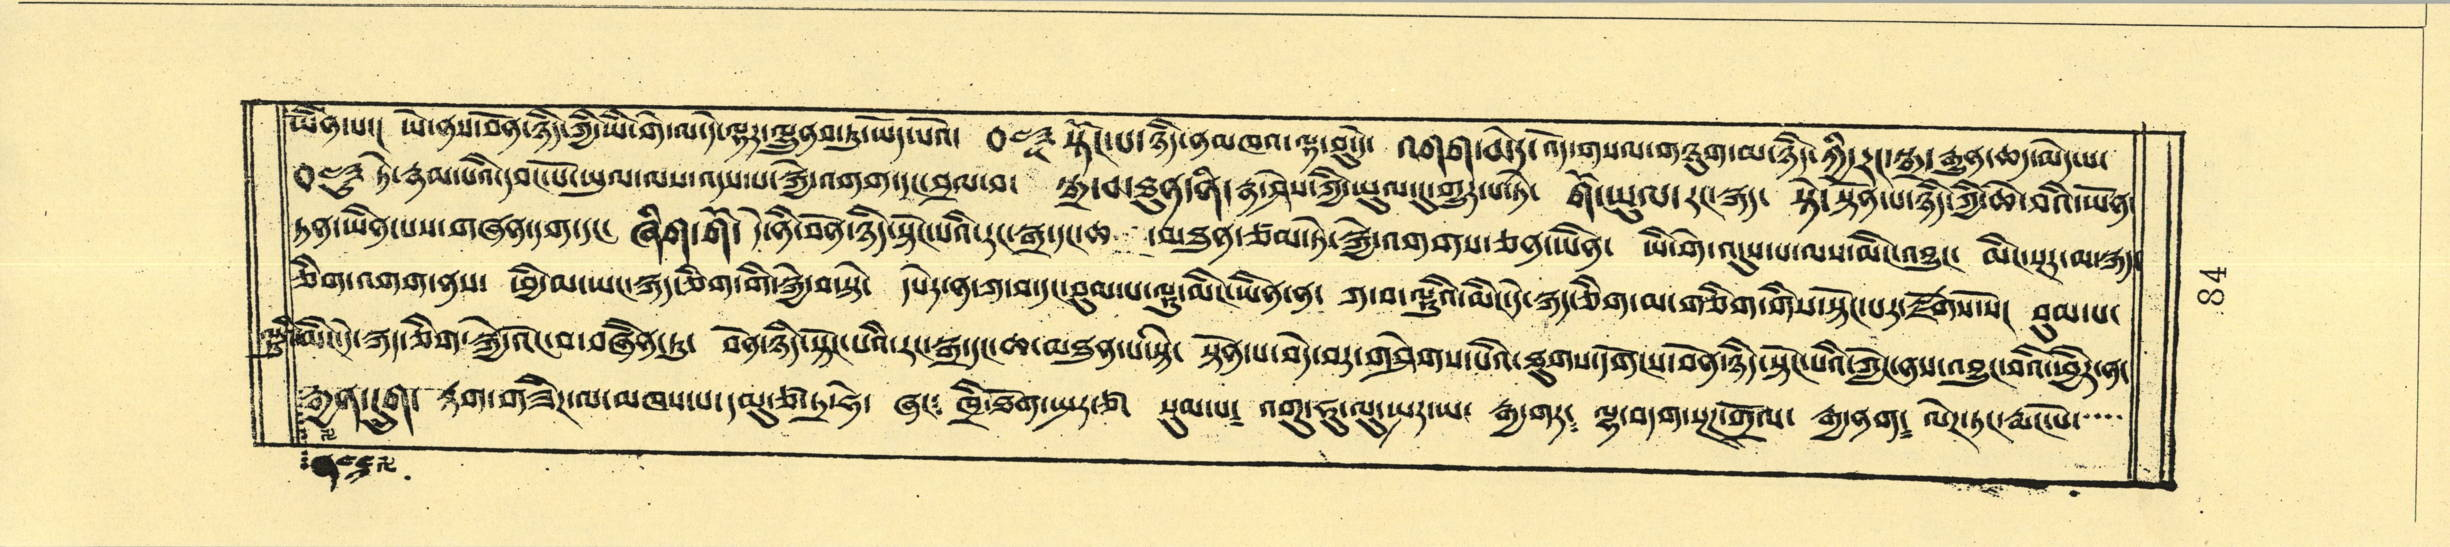ཡིན་པས་ཡེ་ནས་བོན་ཉིད་ཀྱི་ཡི་གེ་ལ་དེ་ལྟ་བུ་ལྷུན་གྲུབ་ཏུ་ཡོད་པའོ། །བ༤༣།༥༼སྟོང་པ༽ཉིད་ནམ་མཁའ་ལྟ་བུ་དེ་༼འགག་མེད༽འོད་གསལ་གཉུག་མ་ཉིད་༼ཀྱི་རང༽སྒྲ་རྒྱུན་ཆད་མེད་པ་
བ༤༣།༦ཏེ་རྣམ་པའི་དབང་པོ་ཡུལ་ལས་འདས་པ་སྐྱེ་འགག་དང་བྲལ་བ།༼སྒྲ་མཐུན་ནི༽རྣ་ཤེས་ཀྱི་ཡུལ་དུ་གྱུར་པ་༼སྟེ༽སྟོན་པ་ཉིད་ཀྱི་ཆེ་བའི་ཡོན་
ཏན་ཡིན་པས་གཞན་དག་དང་༼ཞིག་གོ༽དེ་ནི་བོན་ཉིད་སྟོང་པའི་རང་སྒྲ་དང་ཆ་མཐུན་ཙམ་ཏེ་སྐྱེ་འགག་ཅན་ཡིན། ཡི་གེ་འདུས་པ་ལས་མིང་འབྱུང་མིང་སྔར་མ་སྐད་
ཅིག་འགག་ནས་ཕྱི་མ་ཡང་སྐད་ཅིག་གིས་སྐྱེ་བ་སྟེ་དཔེར་ན་ཀ་བ་དང་བུམ་པ་ལྟ་བུ་མིང་ཡིན་ན་ཀ་བ་ལྟ་བུའི་མིང་དེ་སྐད་ཅིག་མ་གཅིག་གིས་སྟོང་པར་རྫོགས་སོ། བུམ་པ་
ལྟ་བུའི་མིང་དེ་སྐད་ཅིག་སྐྱེ་འོང་བ་བཞིན་དུ་བོན་ཉིད་སྟོང་པའི་རང་སྒྲ་དང་ཆ་མཐུན་པ་སྟེ་སྟོན་པ་བདེ་བར་གཤེགས་པའི་ཐུགས་དགོངས་བོན་ཉིད་སྟོང་པའི་ཀློང་ནས་འབྱུང་བའི་ཕྱིར་ན་
ན༤༤།༡༼རྒྱན་དྲུག༽རྟག་གཟིགས་ལ་མཁས་པ་དམུ་ཙ་ཏྲ་ཧེ། ཞང་ཞུང་ཁྲི་ཐོག་སྤར་ཙ། སུམ་པ་འགུ་ཧི་ལི་སྤར་ཡ། རྒྱ་གར་ལྷ་བདག་སྔགས་གྲོལ། རྒྱ་ནག་ལེགས་བཏང་རྨང་པོ།